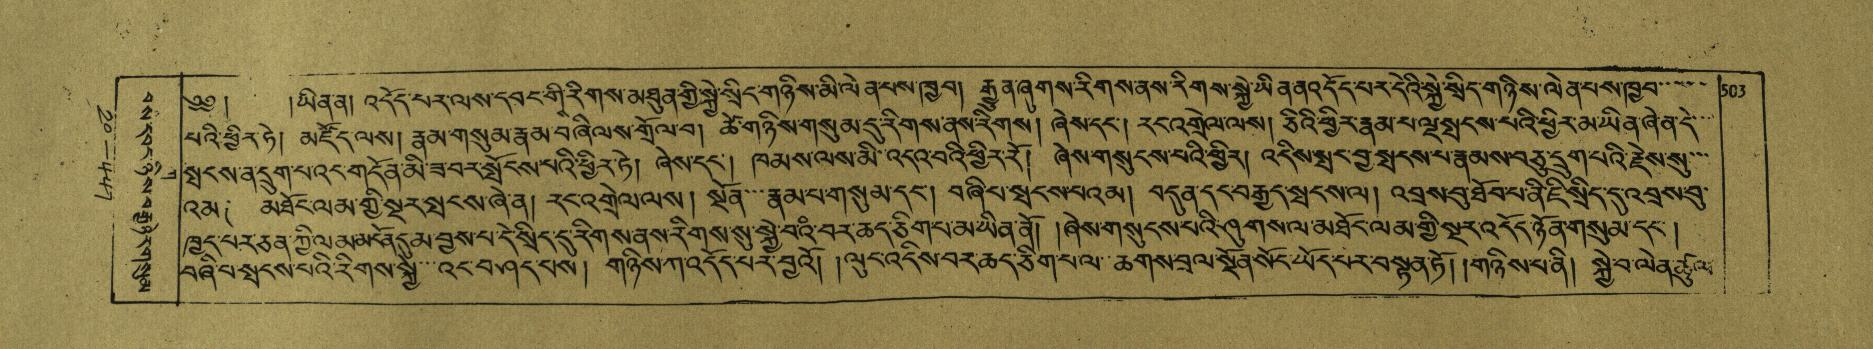༄༅། །ཡིན་ན། འདོད་པར་ལས་དབང་གིས་རིགས་མཐུན་གྱི་སྐྱེ་སྲིད་གཉིས་མི་ལེན་པས་ཁྱབ། རྒྱུན་ཞུགས་རིགས་ནས་རིགས་སྐྱེ་ཡིན་ན་འདོད་པར་དེའི་སྐྱེ་སྲིད་གཉིས་ལེན་པས་ཁྱབ་
པའི་ཕྱིར་ཏེ། མཛོད་ལས། རྣམ་གསུམ་རྣམ་བཞི་ལས་གྲོལ་བ། ཚེ་གཉིས་གསུམ་དུ་རིགས་ནས་རིགས། ཞེས་དང་། རང་འགྲེལ་ལས། ཅིའི་ཕྱིར་རྣམ་པ་ལྔ་སྤངས་པའི་ཕྱིར་མ་ཡིན་ཞེ་ན་དེ་
སྤངས་ན་དྲུག་པའང་གདོན་མི་ཟ་བར་སྤོངས་པའི་ཕྱིར་ཏེ། ཞེས་དང་། ཁམས་ལས་མི་འདའ་བའི་ཕྱིར་རོ། ཞེས་གསུངས་པའི་ཕྱིར། འདིས་སྤང་བྱ་སྤངས་པ་རྣམས་བཅུ་དྲུག་པའི་རྗེས་སུ་
འམ༑ མཐོང་ལམ་གྱི་སྔར་སྤངས་ཞེ་ན། རང་འགྲེལ་ལས། སྔོན་རྣམ་པ་གསུམ་དང་། བཞི་པ་སྤངས་པའམ། བདུན་དང་བརྒྱད་སྤངས་ལ། འབྲས་བུ་ཐོབ་པ་ནི་ཇི་སྲིད་དུ་འབྲས་བུ་
ཁྱད་པར་ཅན་ཀྱི་ལམ་མངོན་དུ་མ་བྱས་པ་དེ་སྲིད་དུ་རིགས་ནས་རིགས་སུ་སྐྱེ་བ་འཾ་བར་ཆད་ཅིག་པ་མ་ཡིན་ནོ། །ཞེས་གསུངས་པའི་ཤུགས་ལ་མཐོང་ལམ་གྱི་སྔར་འདོད་ཉོན་གསུམ་དང་།
བཞི་པ་སྤངས་པའི་རིགས་སྐྱེ་འང་བཤད་པས། གཉིས་ཀ་འདོད་པར་བྱའོ། །ལུང་འདིས་བར་ཆད་ཅིག་པ་ལ་ཆགས་བྲལ་སྔོན་སོང་ཡོད་པར་བསྟན་ཏོ། །གཉིས་པ་ནི། སྐྱེ་བ་ལེན་ཚུལ་